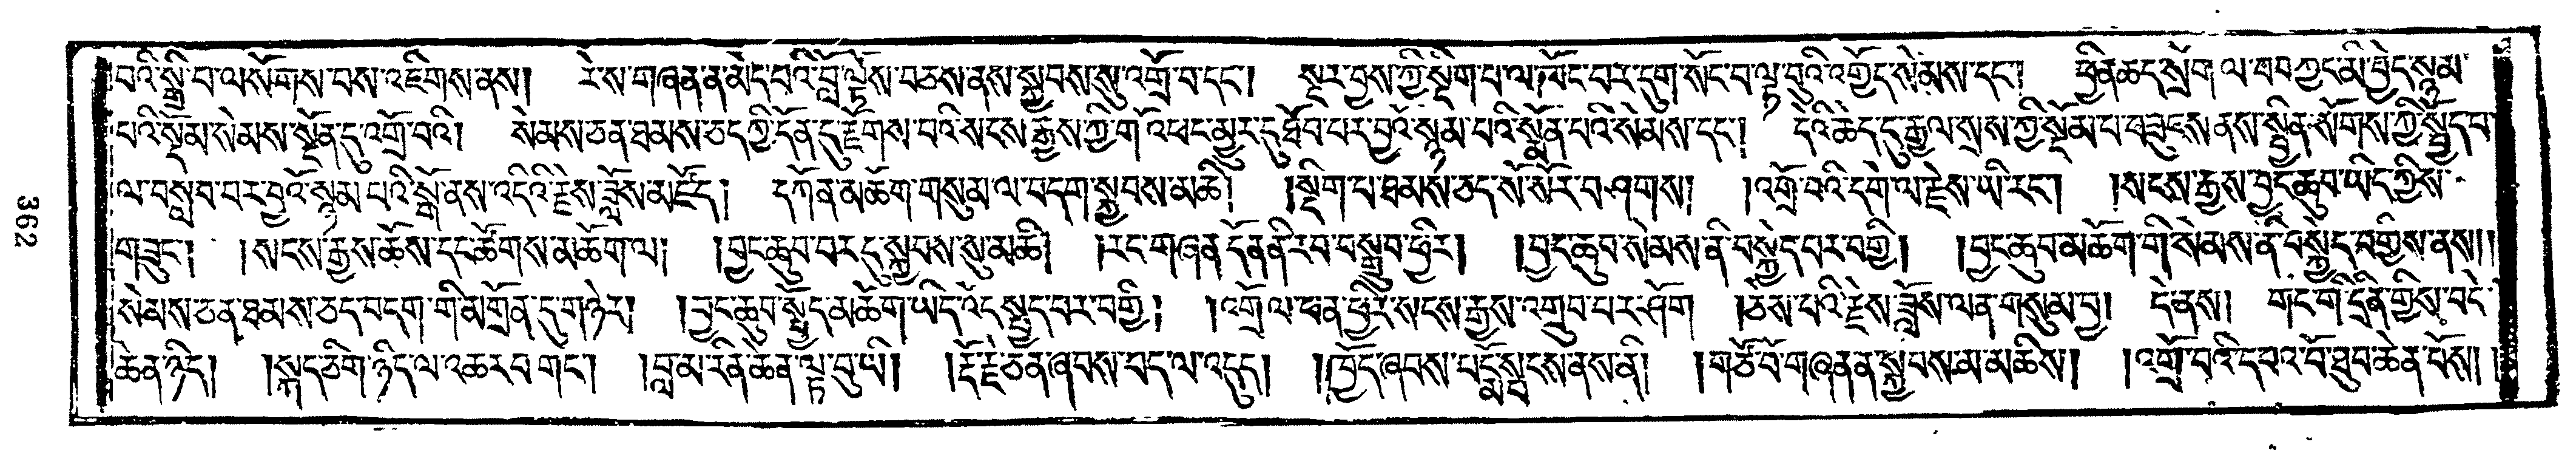པའི་སྒྲི་བ་ལ་སོགས་པས་འཇིགས་ནས། རེ་ས་གཞན་ན་མེད་པའི་བློ་ལྟོས་བཅས་ནས་སྐྱབས་སུ་འགྲོ་བ་དང་། སྔར་བྱས་ཀྱི་སྡིག་པ་ལ་ཁོང་བར་དུག་སོང་བ་ལྟ་བུའི་འགྱོད་སེམས་དང་། ཕྱིན་ཆད་སྲོག་ལ་བབ་ཀྱང་མི་བྱེད་སྙམ་
པའི་སྡོམ་སེམས་སྔོན་དུ་འགྲོ་པའི། སེམས་ཅན་ཐམས་ཅད་ཀྱི་དོན་དུ་རྫོགས་པའི་སངས་རྒྱས་ཀྱི་གོ་འཕང་མྱུར་དུ་ཐོབ་པར་བྱའོ་སྙམ་པའི་སྨོན་པའི་སེམས་དང་། དེའི་ཆེད་དུ་རྒྱལ་སྲས་ཀྱི་སྡོམ་པ་བཟུངས་ནས་སྦྱིན་སོགས་ཀྱི་སྦྱོད་པ་
ལ་བསླབ་པར་བྱའོ་སྙམ་པའི་སྒོ་ནས་འདིའི་རྗེས་ཟློས་མཛོད། དཀོན་མཆོག་གསུམ་ལ་བདག་སྐྱབས་མཆི། །སྡིག་པ་ཐམས་ཅད་སོ་སོར་བཤགས། །འགྲོ་བའི་དགེ་ལ་རྗེས་ཡི་རང་། །སངས་རྒྱས་བྱང་ཆུབ་ཡིད་ཀྱིས་
གཟུང་། །སངས་རྒྱས་ཆོས་དང་ཚོགས་མཆོག་ལ། །བྱང་ཆུབ་བར་དུ་སྐྱབས་སུ་མཆི། །རང་གཞན་དོན་ནི་རབ་བསྒྲུབ་ཕྱིར། །བྱང་ཆུབ་སེམས་ནི་བསྐྱེད་པར་གྱི། །བྱང་ཆུབ་མཆོག་གི་སེམས་ནི་བསྐྱེད་བགྱིས་ནས། །
སེམས་ཅན་ཐམས་ཅད་བདག་གི་མགྲོན་དུ་གཉེར། །བྱང་ཆུབ་སྤྱོད་མཆོག་ཡིད་འོད་སྤྱད་པར་བགྱི། །འགྲོ་ལ་ཕན་ཕྱིར་སངས་རྒྱས་འགྲུབ་པར་ཤོག །ཅེས་པའི་རྗེས་ཟློས་ལན་གསུམ་བྱ། །དེ་ནས། གང་གི་དྲིན་གྱིས་བདེ་
ཆེན་ཉིད། །སྐད་ཅིག་ཉིད་ལ་འཆར་བ་གང་། །བླ་མ་རིན་ཆེན་ལྟ་བུ་ཡི། །རྡོ་རྗེ་ཅན་ཞབས་བད་ལ་འདུད། །ཁྱོད་ཞབས་པདམོ་སྤངས་ནས་ནི། །གཙོ་བོ་གཞན་ན་སྐྱབས་མ་མཆིས། །འགྲོ་བའི་དཔའ་བོ་ཐུབ་ཆེན་བོས། །